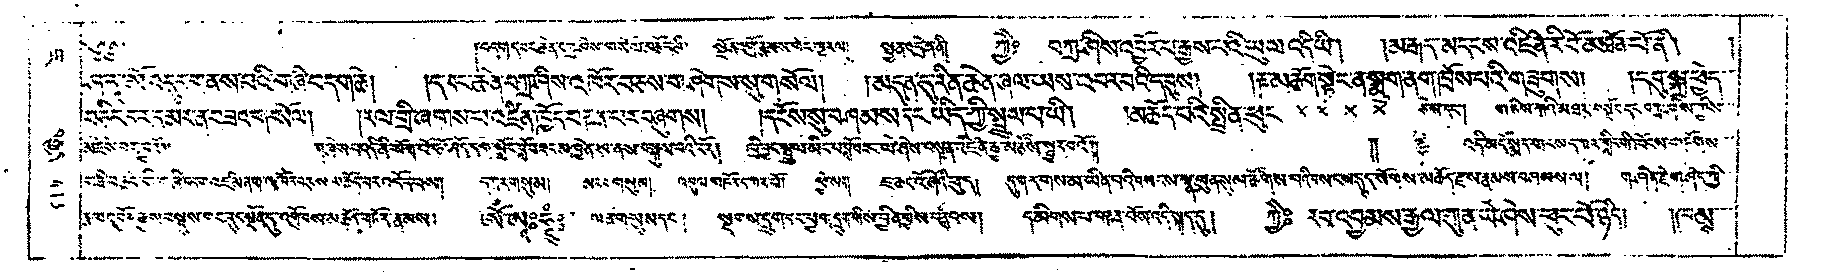༄༅། །བདག་དབང་ཆེན་བཀྲ་ཤིས་གསོལ་མཆོད་ནི། སྔོན་འགྲོ་རྣམས་གོང་ལྟར་ལ། སྤྱན་འདྲེན་ནི། ཀྱཻ྾་བཀྲ་ཤིས་འབྱོར་པ་རྒྱས་པའི་ཡུལ་འདི་ཡི། །མརྒད་མདངས་འཛིན་རི་བོ་མཐོན་པོ་ནི། །
ཤ་རཱ་ཨོ་འདུར་གནས་པའི་གཞི་བདག་ཆེ། །དབང་ཆེན་བཀྲ་ཤིས་འཁོར་བཅས་གཤེགས་སུ་གསོལ། །མདུན་དུ་རིན་ཆེན་ཞལ་ཡས་འབར་བའི་དབུས། །རྟ་མཆོག་སྟེང་ན་སྨུག་ནག་ཁྲོས་པའི་གཟུགས། །དབུ་སྐྲ་ཕྱེད་
བཅིང་དར་དམར་ན་བཟའ་གསོལ། །རལ་གྲི་ཞགས་པ་འཛིན་ཁྱོད་བརྟན་པར་བཞུགས། །དངོས་སུ་བཤམས་དང་ཡིད་ཀྱི་སྤྲུལ་པ་ཡི། །མཆོད་པའི་སྤྲིན་ཕུང་྾་྾་྾་྾་ཅེས་དང་། གཉིས་ཀའི་མཐར་བསྔོ་བ་དང་བཀྲ་ཤིས་ཀྱིས་
མཛེས་པར་བྱའོ།། །།ཞེས་པ་འདི་ནི་སོག་པོ་ཧོ་ཤོད་དགེ་སློང་བློ་བཟང་མཁྱེན་རབ་ནས་བསྐུལ་བའི་ངོར། ཁྲི་བྱང་སྤྲུལ་མིང་པ་བློ་བཟང་ཡེ་ཤེས་བསྟན་འཛིན་རྒྱ་མཚོས་སྦྱར་བའོ།། །། ༈ འདི་མདོ་སྨད་གངས་དཀར་གླིང་གི་ཁོངས་གཏོགས་
གཟི་བ་ཚང་གི་གཞི་བདག་འཛམ་ནག་འཁོར་བཅས་མཆོད་པར་འདོད་པས། དཀར་གསུམ། མངར་གསུམ། འབུལ་གཏོར་དཀར་པོ། ཕྱེ་མར། ཇ་ཆང་འོ་ཞོའི་ཕུད། དུག་རགས་མ་ཡིན་པའི་བསངས་སྣ་ཕུན་སུམ་ཚོགས་པའི་བསངས་དུད་སོགས་མཆོད་རྫས་རྣམས་བཤམས་ལ། གཤིན་རྗེ་གཤེད་ཀྱི་
རྣལ་འབྱོར་རྒྱས་བསྡུས་གང་རུང་སྔོན་དུ་འགྲོ་བས་མཆོད་གཏོར་རྣམས། ཨོཾ་ཨཱཿ ཧཱུཾཿ ལན་གསུམ་དང་། སྔགས་དྲུག་དང་ཕྱག་དྲུག་གིས་བྱིན་གྱིས་བརླབས྾། དམིགས་པ་བརྟན་པོས་འདི་སྐད་དུ།  ཀྱཻཿ རབ་འབྱམས་རྒྱལ་ཀུན་ཡེ་ཤེས་ཕུང་པོ་ཉིད། །ཁམས་